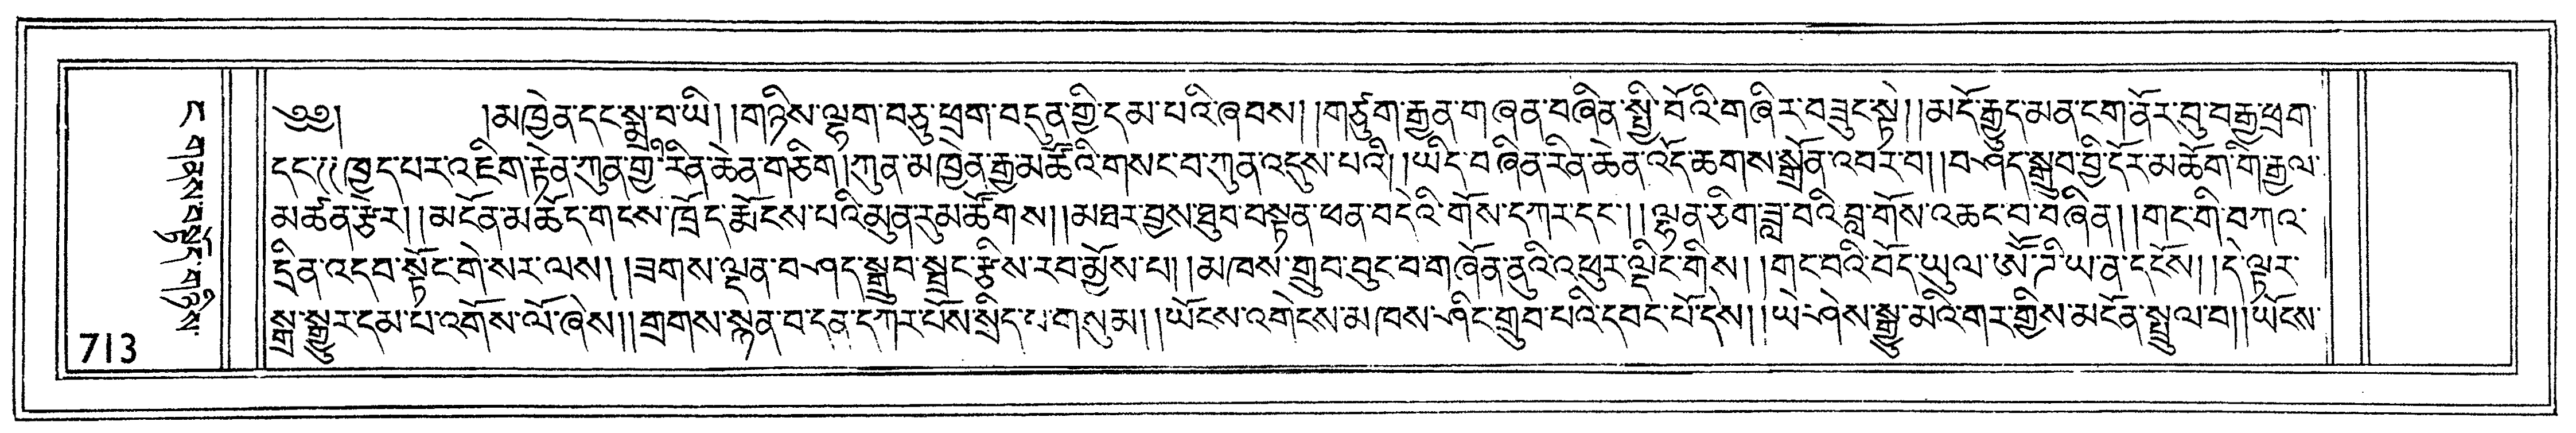༄༅། །མཁྱེན་དང་སྨྲ་བ་ཡི། །གཉིས་ལྷག་བཅུ་ཕྲག་བདུན་གྱི་དམ་པའི་ཞབས། །གཙུག་རྒྱན་གཞན་བཞིན་སྤྱི་བོའི་གཞིར་བཟུང་སྟེ། །མདོ་རྒྱུད་མན་ངག་ནོར་བུ་བརྒྱ་ཕྲག་
དང༑ ༑ཁྱད་པར་འཇིག་རྟེན་ཀུན་གྱི་རིན་ཆེན་གཅིག །ཀུན་མཁྱེན་རྒྱ་མཚོའི་གསང་བ་ཀུན་འདུས་པའི། །ཡིད་བཞིན་རིན་ཆེན་འོད་ཆགས་སྒྲོན་འབར་བ། །བཤད་སྒྲུབ་བྱི་དོར་མཆོག་གི་རྒྱལ་
མཚན་རྩེར། །མངོན་མཆོད་གངས་ཁྲོད་རྨོངས་པའི་མུན་རུམ་ཚོགས། །མཐར་བྱས་ཐུབ་བསྟན་ཕན་བདེའི་གོས་དཀར་དང་། །ལྷན་ཅིག་ཟླ་བའི་བླ་གོས་འཆང་བ་བཞིན། །གང་གི་བཀའ་
དྲིན་འདབ་སྟོང་གེ་སར་ལས། །ཟགས་ལྡན་བཤད་སྒྲུབ་སྦྲང་རྩིས་རབ་མྱོས་པ། །མཁས་གྲུབ་བུང་བ་གཞོན་ནུའི་འཕུར་ལྡིང་གིས། །གང་བའི་བོད་ཡུལ་ཨཽ་ཌི་ཡ་ན་དངོས། །དེ་ལྟར་
སྒྲ་སྒྱུར་དམ་པ་འགོས་ལོ་ཞེས། །གྲགས་སྙན་བ་དན་དཀར་པོས་སྲིད་པ་གསུམ། །ཡོངས་འགེངས་མཁས་ཤིང་གྲུབ་པའི་དབང་པོ་དེས། །ཡེ་ཤེས་སྒྱུ་མའི་གར་གྱིས་མངོན་སྤྲུལ་བ། །ཡོངས་